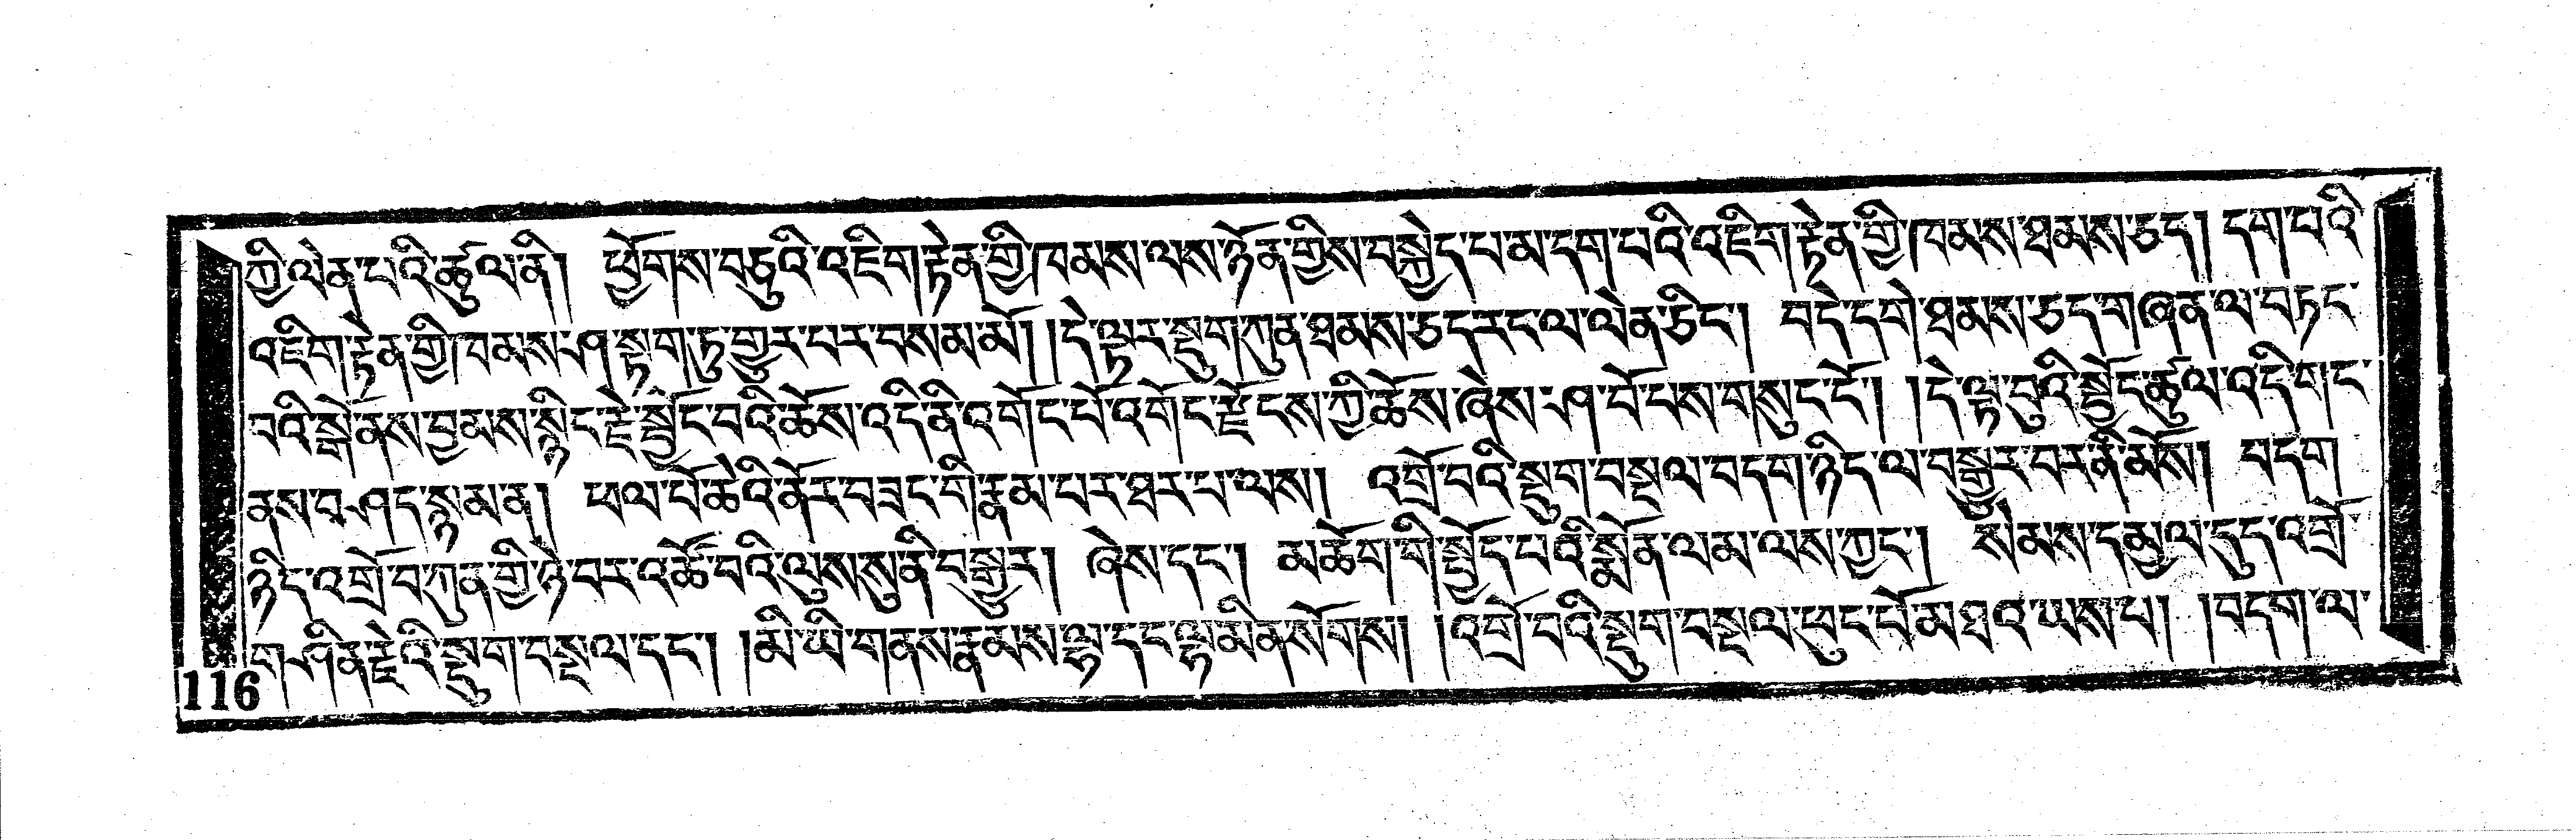ཀྱི་ལེན་པའི་ཚུལ་ནི། ཕྱོགས་བཅུའི་འཇིག་རྟེན་གྱི་ཁམས་ལས་ཉོན་གྱིས་བསྐྱེད་པ་མ་དག་པའི་འཇིག་རྟེན་གྱི་ཁམས་ཐམས་ཅད། དག་པའི་
འཇིག་རྟེན་གྱི་ཁམས་ཤ་སྟག་ཏུ་གྱུར་པར་བསམ་མོ། །དེ་ལྟར་སྡུག་ཀུན་ཐམས་ཅད་རང་ལ་ལེན་ཅིང་། བདེ་དགེ་ཐམས་ཅད་གཞན་ལ་བཏང་
བའི་སྒོ་ནས་བྱམས་སྙིང་རྗེ་སྦྱོང་བའི་ཆོས་འདི་ནི་འགོང་པོ་འགོང་རྫོངས་ཀྱི་ཆོས་ཞེས་ཤ་བོ་པས་གསུང་ངོ། །དེ་ལྟ་བུའི་སྦྱོང་ཚུལ་འདི་གང་
ནས་བཤད་སྙམ་ན། ཕལ་པོ་ཆེའི་ནོར་བཟང་གི་རྣམ་པར་ཐར་པ་ལས། འགྲོ་བའི་སྡུག་བསྔལ་བདག་ཉིད་ལ་བསྒྱུར་བར་ནི་མོས། བདག་
ཉིད་འགྲོ་བ་ཀུན་གྱི་ཉེ་བར་འཚོ་བའི་ལུས་སུ་ནི་བསྒྱུར། ཞེས་དང་། མཆོག་གི་སྤྱོད་པའི་སྨོན་ལམ་ལས་ཀྱང་། སེམས་དམྱལ་དུད་འགྲོ་
གཤིན་རྗེའི་སྡུག་བསྔལ་དང་། །མི་ཡི་གནས་རྣམས་ལྷ་དང་ལྷ་མིན་སོགས། །འགྲོ་བའི་སྡུག་བསྔལ་ཕུང་པོ་མཐའ་ཡས་པ། །བདག་ལ་